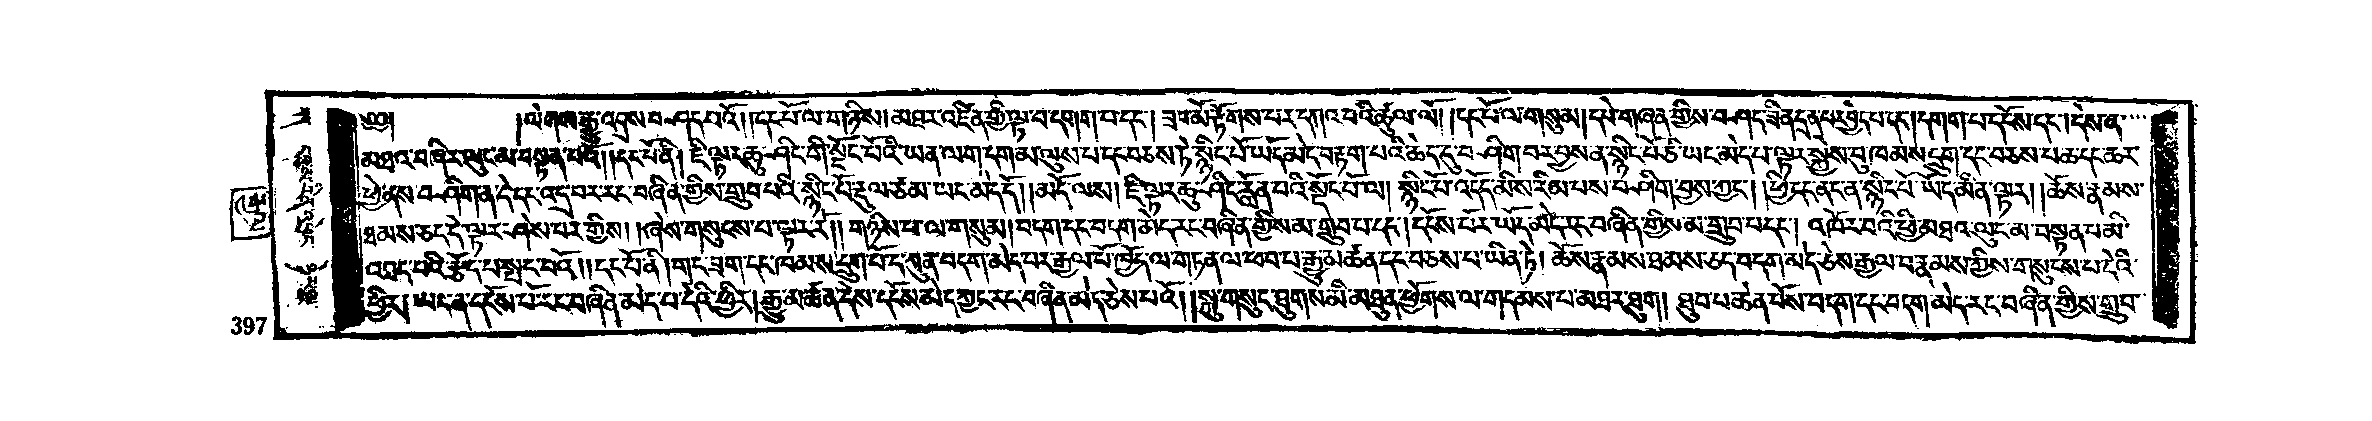༄༅། །ལེགས་རྒྱུ་འབྲས་བཤད་པའོ། །དང་པོ་ལ་གཉིས། མཐར་འཛིན་གྱི་ལྟ་བ་དགག་པ་དང་། ཟབ་མོ་རྟོགས་པར་དཀའ་བའི་ཚུལ་ལོ། །དང་པོ་ལ་གསུམ། དཔེ་གཞན་གྱིས་བཤད་ཟིན་དྲན་པར་བྱེད་པ་དང་། དགག་པ་དངོས་དང་། དེས་ན་
མཐའ་བཞིར་ལུང་མ་བསྟན་པའོ། །དང་པོ་ནི། ཇི་ལྟར་ཆུ་ཤིང་གི་སྡོང་པོའི་ཡན་ལག་དག་མ་ལུས་པ་དང་བཅས་ཏེ་སྙིང་པོ་ཡོད་མེད་བརྟག་པའི་ཆེད་དུ་བཤིག་པར་བྱས་ན་སྙིང་པོ་ཅི་ཡང་མེད་པ་ལྟར་སྐྱེས་བུ་ཁམས་དྲུག་དང་བཅས་པ་ཆ་དང་ཆར་
ཕྱེ་ནས་བཤིག་ན་དེ་དང་འདྲ་བར་རང་བཞིན་གྱིས་གྲུབ་པའི་སྙིང་པོ་རྡུལ་ཙམ་ཡང་མེད་དོ། །མདོ་ལས། ཇི་ལྟར་ཆུ་ཤིང་རློན་པའི་སྡོང་པོ་ལ། སྙིང་པོ་འདོད་མིས་རིམ་པས་བཤིག་བྱས་ཀྱང་། །ཕྱི་དང་ནང་ན་སྙིང་པོ་ཡོད་མིན་ལྟར། །ཆོས་རྣམས་
ཐམས་ཅད་དེ་ལྟར་ཤེས་པར་གྱིས། །ཞེས་གསུངས་པ་ལྟར་རོ། །གཉིས་པ་ལ་གསུམ། བདག་དང་བདག་མེད་རང་བཞིན་གྱིས་མ་གྲུབ་པ་དང་། དངོས་པོར་ཡོད་མེད་རང་བཞིན་གྱིས་མ་གྲུབ་པ་དང་། འཁོར་བའི་ཕྱིར་མཐའ་ལུང་མ་བསྟན་པ་མི་
འཐད་པའི་རྩོད་པ་སྤང་བའོ། །དང་པོ་ནི། གང་ཟག་དང་ཁམས་དྲུག་པོ་ད་ཀུན་བདག་མེད་པར་རྒྱལ་པོ་ཁྱོད་ལ་གཏན་ལ་ཕབ་པ་རྒྱུ་མཚན་དང་བཅས་པ་ཡིན་ཏེ། ཆོས་རྣམས་ཐམས་ཅད་བདག་མེད་ཅེས་རྒྱལ་བ་རྣམས་ཀྱིས་གསུངས་པ་དེའི་
ཕྱིར། ཡང་ན་དངོས་པོ་རང་བཞིན་མེད་པ་དེའི་ཕྱིར། རྒྱུ་མཚན་དེས་དངོས་མེད་ཀྱང་རང་བཞིན་མེད་ཅེས་པའོ། །སྐུ་གསུང་ཐུགས་མི་མཐུན་ཕྱོགས་ལ་གདམས་པ་མཐར་ཐུག །ཐུབ་པ་ཆེན་པོས་བདག་དང་བདག་མེད་རང་བཞིན་གྱིས་གྲུབ་